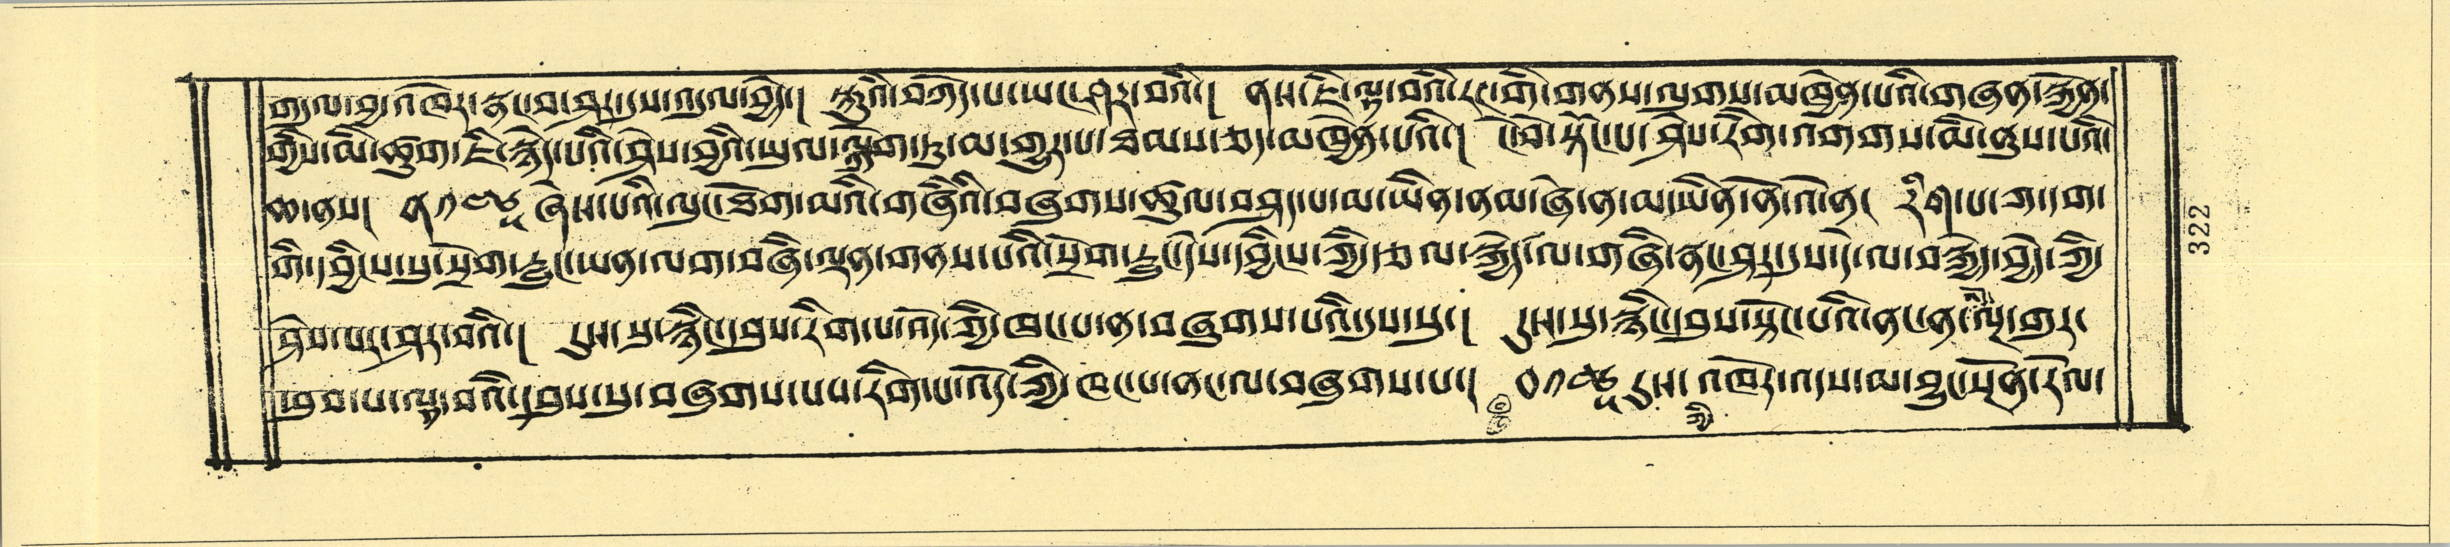གདུལ་བྱ་འཁོར་སྣང་བ་ཤར་དུས་འདུལ་བྱེད། ༼སྐུའི་༽བཀོད་པ་ ༼ཡང་ཤར་༽བའི། ༼ནས་༽ཇི་ལྟ་བའི་རང་གི་གནས་ལུགས་མཁྱེན་པའི་གཞན་སྐྱོན་
གྱིས་མི་ཚུག་ཇི་སྙེད་པའི་ཤེས་བྱའི་ཡུལ་ལྐོག་ཏུ་མ་གྱུར་པ་ཐམས་ཅད་མཁྱེན་པའི། ངོ་བོ་ ༼སྟོང་པ་༽ཤེས་རིག་འགགས་མི་ནུས་པའི་
ཆ་ནས། ན༡༤༦།༥ ༼ཞེས་པའི་༽ལུང་ཐོག་མའི་གཞིའི་བཞུགས་ཚུལ་བཤད་པ་མ་ཡིན་ནམ་ཞེ་ན་མ་ཡིན་ནོ་འོ་ན། ༼རིག་པ་༽ཀ་དག་
གི་དབྱིངས་སུ་སྲོག་རླུང་ཡན་ལག་བཞི་ལྡན་གནས་པའི་སྲོག་རླུང་དེས་དབྱིངས་ཀྱི་རྩལ་སྐྱེད་ལ་གཞི་སྣང་ཤར་དུས་དེ་ལ་བསྐྱེད་བྱེད་ཀྱི་
ཤེས་པར་ཤར་བའི། ༼དུས་༽སུ་སྙིང་དབུས་རིག་པ་འོད་ཀྱི་ཁང་པ་ན་བཞུགས་པའི་དུས་སུ། ༼དུས་༽སུ་སྙིང་དབུས་སྟོང་པའི་ནང་ན་འོད་ལྔ་གུར་
ཕུབ་པ་ལྟ་བའི་དབུས་སུ་བཞུགས་པས་རིག་པ་འོད་ཀྱི་ཁང་པ་ནང་ལ་བཞུགས་པ། བ༡༤༦།༥ ༼དུས་༽ཀྱི་འཁོར་འདས་མ་བྱུང་སྔོན་རོལ་